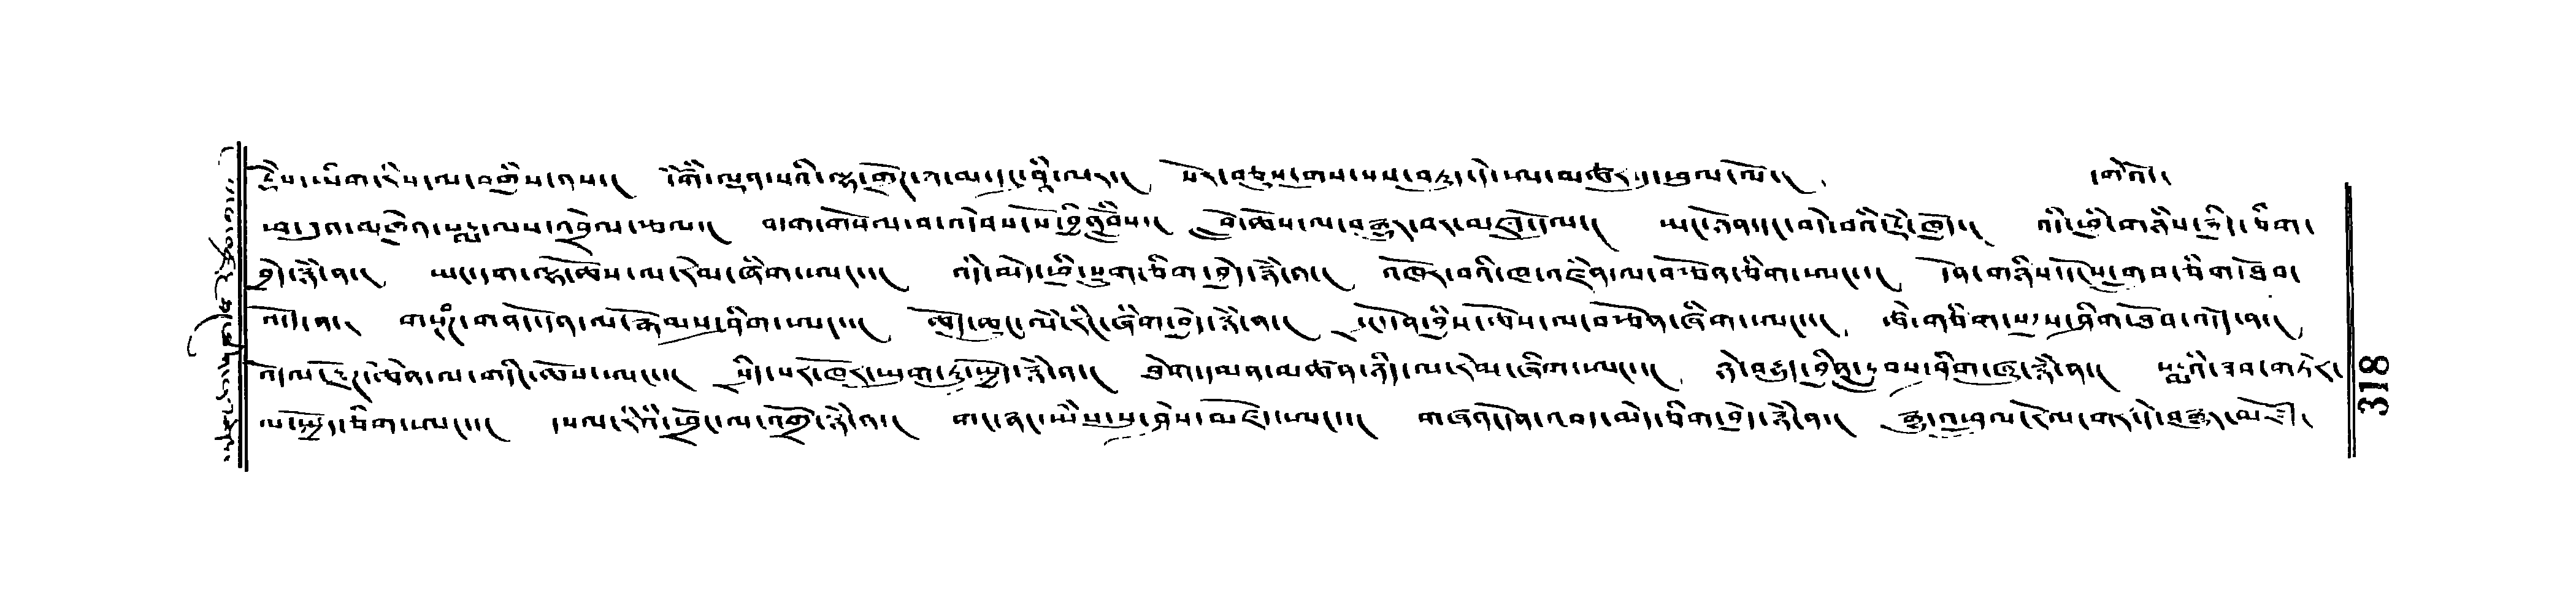རྡོ་རྗེས་ཡིག་རིས་ལ་བགྱིས་ནས། །དམ་ཚིག་ལྡན་པའི་ལྷ་གྲོགས་ཀ་མ་དང་ཤཱི་ལར། །སོར་བཅུས་གུས་པས་བཏུད་དེ་ཨ་མཚར་དུ་ཕུལ་ལོ།། དགེའོ།། 
ཕ་ཀུན་མཁྱེན་པདྨ་ལས་འབྲེལ་རྩལ། །བདག་གསོལ་བ་འདེབས་སོ་བྱིན་གྱིས་རློབས། །བློ་ཆོས་ལ་བསྒྱུར་བར་མཛད་དུ་གསོལ། །ཡང་ཉོན་དང་བདེ་བའི་རྡོ་རྗེ་ཁྱོད། །འདི་ཕྱི་གཉིས་སྐྱིད་ཅིག་
བྱེད་སྙམ་ན། །ཡང་དག་ལྷ་ཆོས་ལ་རེམ་ཞིག་ཨང་། །འདི་མེད་ཕྱི་སྡུག་ཅིག་བྱེད་སྙམ་ན། །འཁོར་བའི་ཁ་འཛིན་ལ་བརྩོན་ཅིག་ཨང་། །དོན་གཉིས་དངོས་གྲུབ་ཅིག་ཐོབ་
འདོད་ན། །གསང་སྔགས་གནད་དོན་ལ་སྒོམས་ཤིག་ཨང་། །ཆོད་ཆུང་ལམ་རིང་ཞིག་བྱེད་སྙམ་ན། །དྲང་དོན་བྱིས་ཆོས་ལ་བརྩོན་ཅིག་ཨང་། །ཚེ་གཅིག་སངས་རྒྱས་ཤིག་ཐོབ་འདོད་ན། །
འོད་གསལ་རྫོགས་ཆེན་ལ་གདིང་ཆོས་ཨང་། །སྲིད་པར་ཁོར་ཡུག་ཏུ་སྤྱོད་སྙམ་ན། །ཐེག་དམན་མཚན་ཉིད་ལ་རེམ་ཞིག་ཨང་། །ཉེ་བརྒྱུད་བྱིན་རླབས་ཤིག་ཞུ་སྙམ་ན། །པདྨའི་ཟབ་གཏེར་
ལ་སྤྱོད་ཅིག་ཨང་། །དཔལ་རིའི་ཕོ་བྲང་ལ་འགྲོ་སྙམ་ན། །གང་སྣང་ཡེ་ཤེས་སུ་ཤེས་མཛོད་ཨང་། །གཞན་དོན་འབད་མེད་ཅིག་བྱེད་སྙམ་ན། །སྒྱུ་འཕྲུལ་རོལ་གར་དེ་བསྒྱུར་མཛོད་